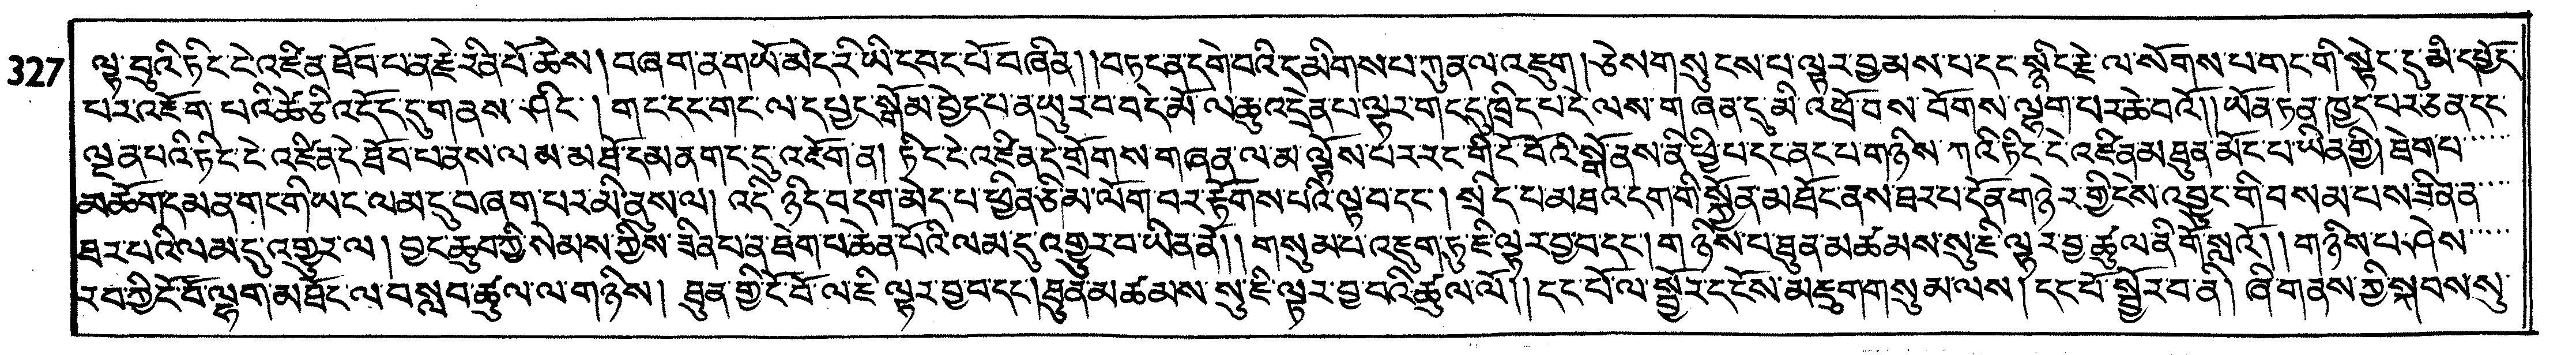ལྟ་བུའི་ཏིང་ངེ་འཛིན་ཐོབ་པ་ན་རྗེ་རིན་པོ་ཆེས། བཞག་ན་གཡོ་མེད་རི་ཡི་དབང་བོ་བཞིན། །གཏང་ན་དགེ་བའི་དམིགས་པ་ཀུན་ལ་འཇུག། ཅེས་གསུནས་པ་ལྟར་བྱམས་པ་དང་སྙིང་རྗེ་ལ་སོགས་པ་གང་གི་སྟེང་དུ་མི་དཔྱོད་
པར་འཇོག་པའི་ཚེ་ཅི་འདོད་དུ་གནས་ཤིང་། གང་དང་གང་ལ་དཔྱད་སྒོམ་བྱེད་པ་ན་ཡུར་བ་བདེ་མོ་ལ་ཆུ་འདྲེན་པ་ལྟར་གང་དུ་ཁྲིད་པ་དེ་ལས་གཞན་དུ་མི་འཕྲོ་བས་བོགས་ལྷག་པར་ཆེ་བའོ། །ཡོན་ཏན་ཁྱད་པར་ཅན་དང་
ལྡན་པའི་ཏིང་ངེ་འཛིན་དེ་ཐོབ་པ་ནས་ལམ་མཐོ་དམན་གང་དུ་འཇོག་ན། ཏིང་ངེ་འཛིན་དེ་གྲོགས་གཞན་ལ་མ་ལྟོས་པར་རང་གི་ངོ་བོའི་སྒོ་ནས་ནི་ཕྱི་པ་དང་ནང་པ་གཉིས་ཀའི་ཏིང་ངེ་འཛིན་མཐུན་མོང་པ་ཡིན་གྱི། ཐེག་པ་
མཆོག་དམན་གང་གི་ཡང་ལམ་དུ་བཞག་པར་མི་ནུས་ལ། འདི་ཉིད་བདག་མེད་པ་ཕྱིན་ཅི་མ་ལོག་བར་རྟོགས་པའི་ལྟ་བ་དང་། སྲིད་པ་མཐའ་དག་གི་སྐྱོན་མཐོང་ནས་ཐར་པ་དོན་གཉེར་གྱི་ངེས་འབྱུང་གི་བསམ་པས་ཟིན་ན་
ཐར་པའི་ལམ་དུ་འགྱུར་ལ། བྱང་ཆུབ་ཀྱི་སེམས་ཀྱིས་ཟིན་པ་ན་ཐེག་པ་ཆེན་པོའི་ལམ་དུ་འགྱུར་བ་ཡིན་ནོ། །གསུམ་པ་འཇུག་ཏུ་ཇི་ལྟར་བྱ་བ་དང་། གཉིས་པ་ཐུན་མཚམས་སུ་ཇི་ལྟར་བྱ་ཚུལ་ནི་གོ་སླའོ། །གཉིས་པ་ཤེས་
རབ་ཀྱི་ངོ་བོ་ལྷག་མཐོང་ལ་བསླབ་ཚུལ་ལ་གཉིས། ཐུན་གྱི་ངོ་བོ་ལ་ཇི་ལྟར་བྱ་བ་དང་། ཐུན་མཚམས་སུ་ཇི་ལྟར་བྱ་བའི་ཚུལ་ལོ། །དང་པོ་ལ་སྦྱོར་དངོས་མཇུག་གསུམ་ལས། དང་པོ་སྦྱོར་བ་ནི། ཞི་གནས་ཀྱི་སྐབས་སུ་